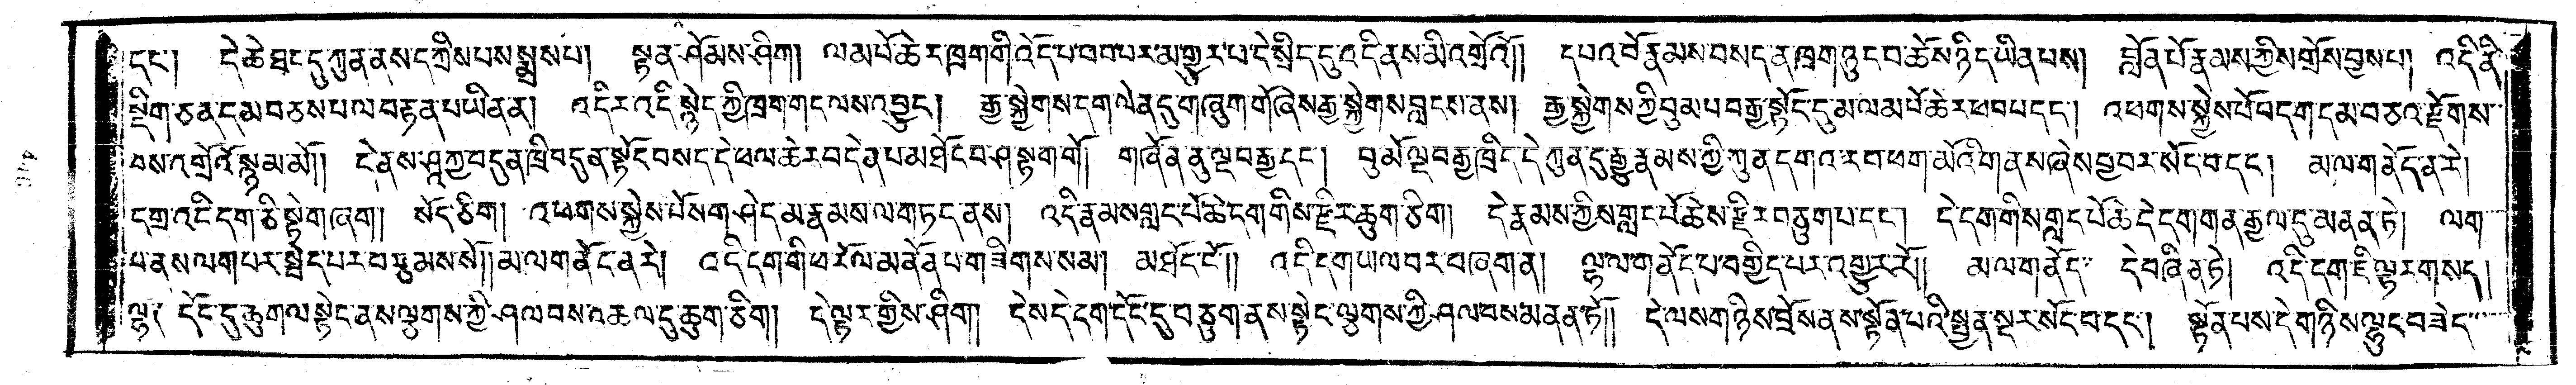དང་། དེ་ཆེ་ཐང་དུ་ཀུན་ནས་དཀྲིས་པས་སྨྲས་པ། སྟན་ཤོམས་ཤིག། ལམ་པོ་ཆེར་ཁྲག་གི་འོད་པ་བབ་པར་མ་གྱུར་པ་དེ་སྲིད་དུ་འདི་ནས་མི་འགྲོའོ། །དཔའ་བོ་རྣམས་བསད་ན་ཁྲག་ཉུང་བ་ཆོས་ཉིད་ཡིན་པས། བློན་པོ་རྣམས་ཀྱིས་གྲོས་བྱས་པ། འདི་ནི་
སྡིག་ཅན་དམ་བཅས་པ་ལ་བརྟན་པ་ཡིན་ན། འདིར་འདི་སྙེད་ཀྱི་ཁྲག་གང་ལས་འབྱུང་། རྒྱ་སྐྱེགས་དག་ལེན་དུ་གཞུག་གོ་ཞེས་རྒྱ་སྐྱེགས་བླངས་ནས། རྒྱ་སྐྱེགས་ཀྱི་བུམ་པ་བརྒྱ་སྟོང་དུ་མ་ལམ་པོ་ཆེར་ཕབ་པ་དང་། འཕགས་སྐྱེས་པོ་བདག་དམ་བཅའ་རྫོགས་
བས་འགྲོའོ་སྙམ་མོ། །དེ་ནས་ཤཱཀྱ་བདུན་ཁྲི་བདུན་སྟོང་བསད་དེ་ཕལ་ཆེར་བདེན་པ་མཐོང་བ་ཤ་སྟག་གོ། གཞོན་ནུ་ལྔ་བརྒྱ་དང་། བུ་མོ་ལྔ་བརྒྱ་ཁྲིད་དེ་ཀུན་དུ་རྒྱུ་རྣམས་ཀྱི་ཀུན་དགའ་ར་བ་ཕབ་མོའི་གནས་ཞེས་བྱ་བར་སོང་བ་དང་། མ་ལ་གནོད་ན་རེ།
དགྲ་འདི་དག་ཅི་སྟེ་གཞག །སོད་ཅིག། འཕགས་སྐྱེས་པོས་གཤེད་མ་རྣམས་ལ་གཏད་ནས། འདི་རྣམས་གླང་པོ་ཆེ་དག་གིས་རྫིར་ཆུག་ཅིག །དེ་རྣམས་ཀྱིས་གླང་པོ་ཆེས་རྫིར་བཅུག་པ་དང་། དེ་དག་གིས་གླང་པོ་ཆེ་དེ་དག་གན་རྒྱལ་དུ་མནན་ཏེ། ལག་
པ་ནས་ལག་པར་སྦེད་པར་བརྩམས་སོ། །མ་ལག་གནོང་ན་རེ། འདི་དག་གི་ཕ་རོལ་མནོན་པ་གཟིགས་སམ། མཐོང་ངོ། །འདི་ད་གཡལ་བར་བཞག་ན། ལྷ་ལ་གནོད་པ་བགྱིད་པར་འགྱུར་རོ། །མ་ལ་གནོད་དེ་བཞིན་ཏེ། འདི་དག་ཇི་ལྟར་གསད།
ལྷཿ དོང་དུ་ཆུ་གལ་སྟེང་ནས་ལྕགས་ཀྱི་ཤལ་བས་འཆལ་དུ་ཆུག་ཅིག །དེ་ལྟར་གྱིས་ཤིག། དེས་དེ་དག་དོང་དུ་བཅུག་ནས་སྟེང་ལྕགས་ཀྱི་ཤལ་བས་མནན་ཏོ། དེ་ལས་གཉིས་བྲོས་ནས་སྟོན་པའི་སྤྱན་སྔར་སོང་བ་དང་། སྟོན་པས་དེ་གཉིས་ལྷུང་བཟེད་